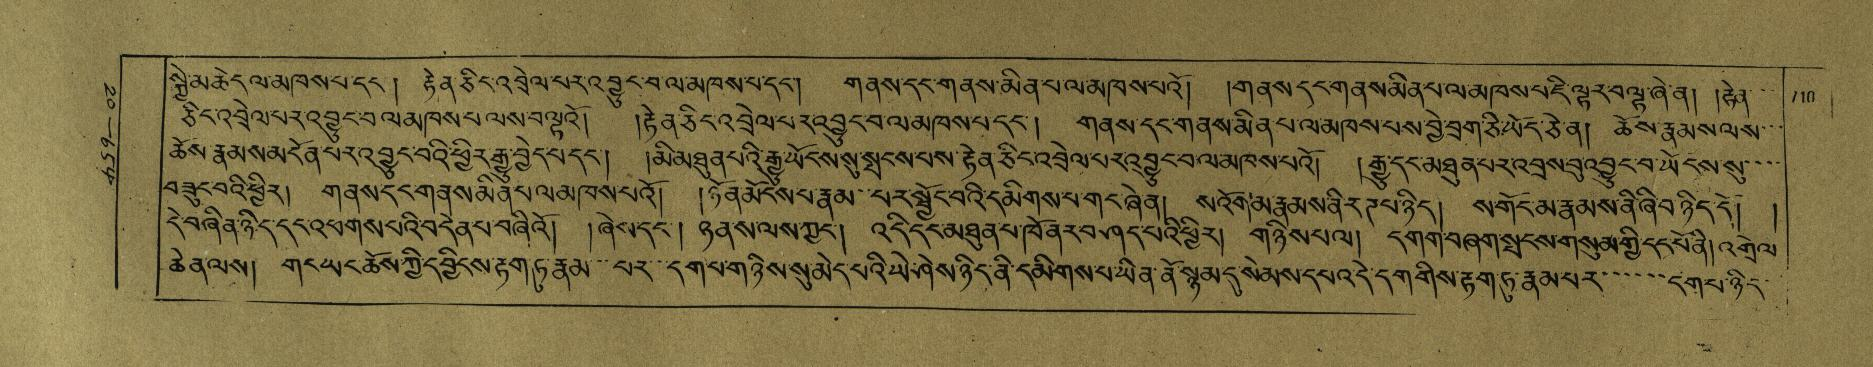སྐྱེ་མཆེད་ལ་མཁས་པ་དང་། རྟེན་ཅིང་འབྲེལ་པར་འབྱུང་བ་ལ་མཁས་པ་དང་། གནས་དང་གནས་མིན་པ་ལ་མཁས་པའོ། །གནས་དང་གནས་མིན་པ་ལ་མཁས་པ་ཇི་ལྟར་བལྟ་ཞེ་ན། །རྟེན་ཅིང་འབྲེལ་པར་འབྱུང་བ་ལ་མཁས་པ་ལས་བལྟའོ། །རྟེན་ཅིང་འབྲེལ་པར་འབྱུང་བ་ལ་མཁས་པ་དང་། གནས་དང་གནས་མིན་པ་ལ་མཁས་པས་བྱེ་བྲག་ཅི་ཡོད་ཅེ་ན། ཆོས་རྣམས་ལས་
ཆོས་རྣམས་མངོན་པར་འབྱུང་བའི་ཕྱིར་རྒྱུ་བྱེད་པ་དག། །མི་མཐུན་པའི་རྒྱུ་ཡོངས་སུ་སྤངས་པས་རྟེན་ཅིང་འབྲེལ་པར་འབྱུང་བ་ལ་མཁས་པའོ། །རྒྱུ་དང་མཐུན་པར་འབྲས་བུ་འབྱུང་བ་ཡོངས་སུ་
བཟུང་བའི་ཕྱིར། གནས་དང་གནས་མིན་པ་ལ་མཁས་པའོ། །ཉོན་མོངས་པ་རྣམ་པར་སྦྱོང་བའི་དམིགས་པ་གང་ཞེ་ན། ས་འོག་མ་རྣམས་ནི་རཌ་པ་ཉིད། ས་གོང་མ་རྣམས་ནི་ཞི་བ་ཉིད་དོ། །
དེ་བཞིན་ཉིད་དང་འཕགས་པའི་བདེན་པ་བཞིའོ། །ཞེས་དང་། ཉན་ས་ལས་ཀྱང་། འདི་དང་མཐུན་པ་ཁོ་ནར་བཤད་པའི་ཕྱིར། གཉིས་པ་ལ། དགག་བཞག་སྤངས་གསུམ་གྱིས་དང་པོ་ནི། འགྲེལ་
ཆེན་ལས། གང་ཡང་ཆོས་ཀྱི་དབྱིངས་རྟག་ཏུ་རྣམ་པར་དག་པ་གཉིས་སུ་མེད་པའི་ཡེ་ཤེས་ཉིད་ནི་དམིགས་པ་ཡིན་ནོ་སྙམ་དུ་སེམས་དཔའ་དེ་དག་གིས་རྟག་ཏུ་རྣམ་པར་དག་པ་ཉིད་